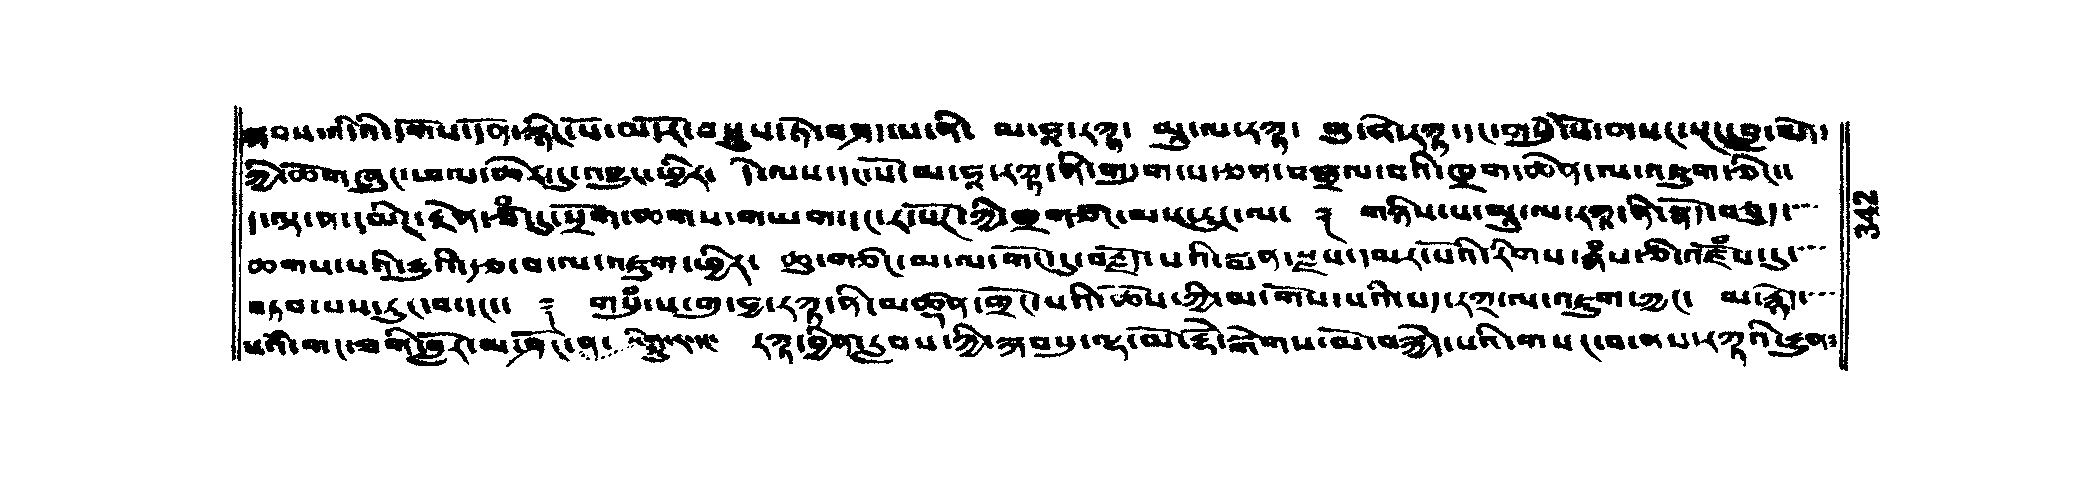སྐབས་འདིའི་དགོས་དོན་སྙིང་པོ་མདོར་བསྡུས་ཏེ་བཤད་པ་ནི། མ་ཧཱ་རཀྟ། ནུ་ཧེ་རཀྟ་དང་གསུམ་གསང་སྔགས་བླ་མེད་
ཀྱི་ཆོག་གཞུང་ཕལ་ཆེར་དུ་འབྱུང་ཕྱིར། དེ་ལས་དང་པོ་མ་ཧཱ་ནི་གདུག་པ་ཅན་བསྒྲལ་བའི་ཁྲག་ཆེན་འཇུག་ཅིང་། 
ད་ལྟ་ན་དམིགས་རྟེན་ཙམ་དུ་སྲོག་ཆགས་གཡག་དང་ར་སོགས་ཀྱི་ཁྲག་གཙང་མས་རུང་ལ། ༈ གཉིས་པ་མཱུ་ལ་རཀྟ་ནི་སྣོད་བཅུད་
ཆགས་པའི་རྒྱུའི་རྩ་བ་ལ་འཇུག་ཕྱིར། ཆུ་གཙང་མ་ལ་གོང་དུ་བརྗོད་པའི་སྨན་རྫས་དམར་པོའི་རིགས་རྣམས་ཅི་འཛོམས་སུ་
བཏབ་པས་རུང་བ་དང་། ༈ གསུམ་པ་གུ་ཧྱ་རཀྟ་ནི་མཚན་ལྡན་གྲོང་པའི་ཆོས་ཀྱི་མ་གོས་པའི་པད་རཀ་ལ་འཇུག་ཀྱང་། མ་རྙེད་
པའམ་གང་ཟག་གི་བློར་མ་ཤོང་སིནྡྷུ་ར་དང་། ན་རཀྟ་བྱིན་རླབས་ཀྱི་སྐབས་སུ་ལྷ་མོ་རྡོ་རྗེ་སྒེག་མོ་བསྐྱེད་པའི་གསང་བ་ནས་རཀྟའི་རྒྱུན་